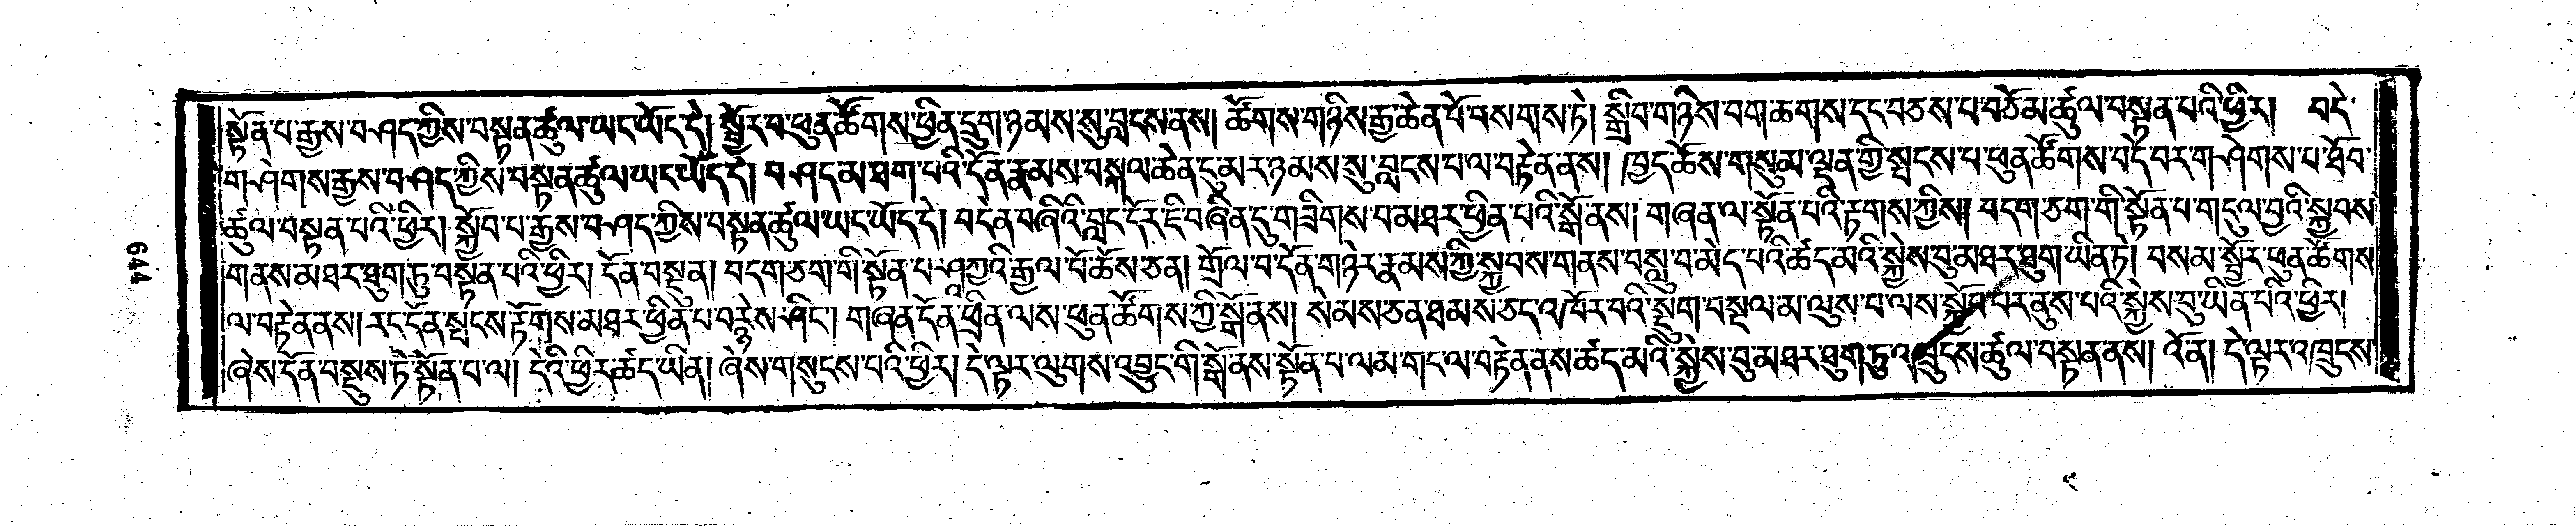སྟོན་པ་རྒྱས་བཤད་ཀྱིས་བསྟན་ཚུལ་ཡང་ཡོད་དེ། སྦྱོར་བ་ཕུན་ཚོགས་ཕྱིན་དྲུག་ཉམས་སུ་བླངས་ནས། ཚོགས་གཉིས་རྒྱ་ཆེན་པོ་བསགས་ཏེ། སྒྲིབ་གཉིས་བག་ཆགས་དང་བཅས་པ་བཅོམ་ཚུལ་བསྟན་པའི་ཕྱིར། བདེ་
གཤེགས་རྒྱས་བཤད་ཀྱིས་བསྟན་ཚུལ་ཡང་ཡོད་དེ། བཤད་མ་ཐག་པའི་དོན་རྣམས་བསྐལ་ཆེན་དུ་མར་ཉམས་སུ་བླངས་པ་ལ་བརྟེན་ནས། ཁྱད་ཆོས་གསུམ་ལྡན་གྱི་སྤངས་པ་ཕུན་ཚོགས་བདེ་བར་གཤེགས་པ་ཐོབ་
ཚུལ་བསྟན་པའི་ཕྱིར། སྐྱོབ་པ་རྒྱས་བཤད་ཀྱིས་བསྟན་ཚུལ་ཡང་ཡོད་དེ། བདེན་བཞིའི་བླང་དོར་ཇི་བཞིན་དུ་གཟིགས་པ་མཐར་ཕྱིན་པའི་སྒོ་ནས། གཞན་ལ་སྟོན་པའི་རྟགས་ཀྱིས། བདག་ཅག་གི་སྟོན་པ་གདུལ་བྱའི་སྐྱབས་
གནས་མཐར་ཐུག་ཏུ་བསྟན་པའི་ཕྱིར། དོན་བསྡུ་ན། བདག་ཅག་གི་སྟོན་པ་ཤཱཀྱའི་རྒྱལ་པོ་ཆོས་ཅན། གྲོལ་བ་དོན་གཉེར་རྣམས་ཀྱི་སྐྱབས་གནས་བསླུ་བ་མེད་པའི་ཚད་མའི་སྐྱེས་བུ་མཐར་ཐུག་ཡིན་ཏེ། བསམ་སྦྱོར་ཕུན་ཚོགས་
ལ་བརྟེན་ནས། རང་དོན་སྤངས་རྟོགས་མཐར་ཕྱིན་པ་བརྙེས་ཤིང་། གཞན་དོན་ཕྲིན་ལས་ཕུན་ཚོགས་ཀྱི་སྒོ་ནས། སེམས་ཅན་ཐམས་ཅད་འཁོར་བའི་སྡུག་བསྔལ་མ་ལུས་པ་ལས་སྐྱོབ་པར་ནུས་པའི་སྐྱེས་བུ་ཡིན་པའི་ཕྱིར།
ཞེས་དོན་བསྡུས་ཏེ་སྟོན་པ་ལ། དེའི་ཕྱིར་ཚད་ཡིན། ཞེས་གསུངས་པའི་ཕྱིར། དེ་ལྟར་ལུགས་འབྱུང་གི་སྒོ་ནས་སྟོན་པ་ལམ་གང་ལ་བརྟེན་ནས་ཚད་མའི་སྐྱེས་བུ་མཐར་ཐུག་ཏུ་འཁྲུངས་ཚུལ་བསྟན་ནས། འོ་ན། དེ་ལྟར་འཁྲུངས་